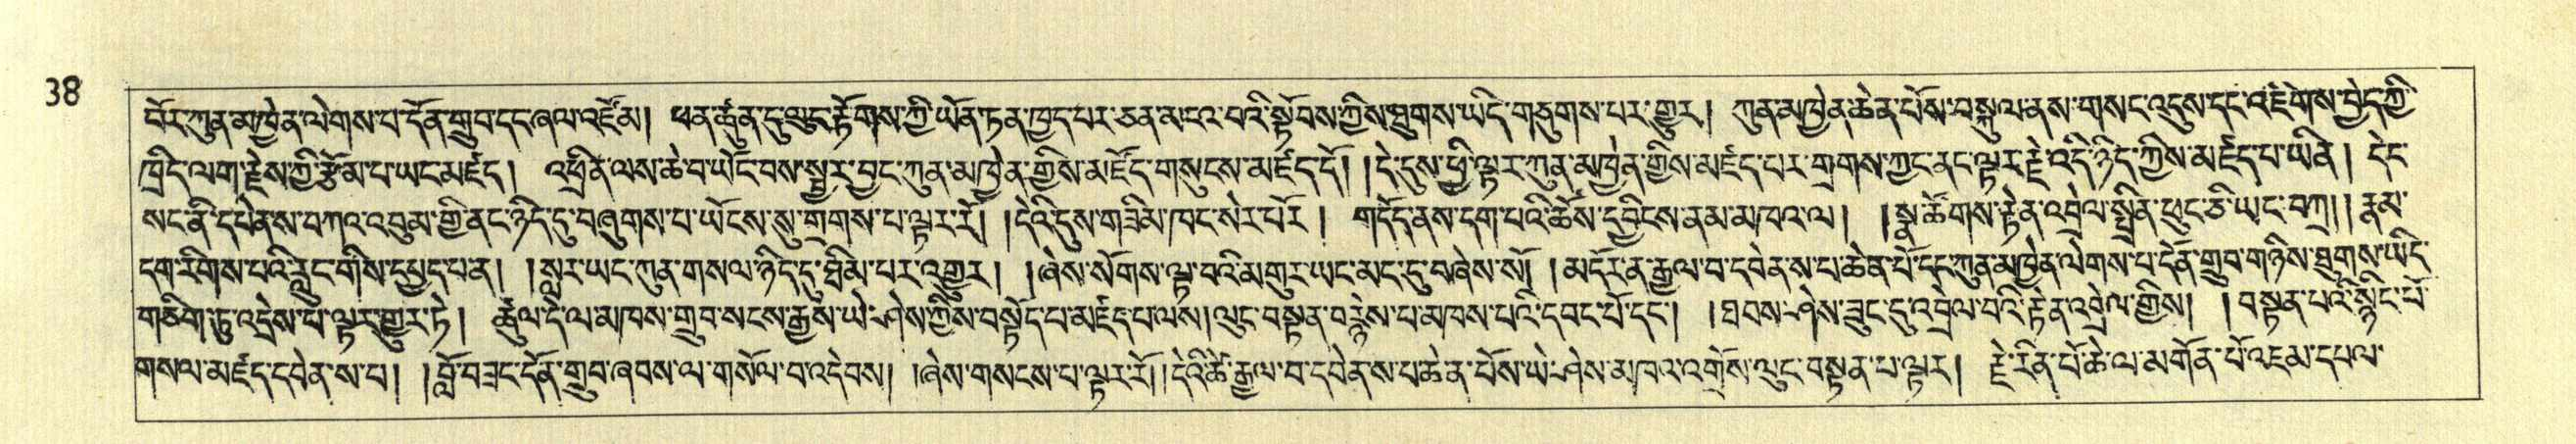བོར་ཀུན་མཁྱེན་ལེགས་པ་དོན་གྲུབ་དང་ཞལ་འཛོམ། ཕན་ཚུན་དུ་ལུང་རྟོགས་ཀྱི་ཡོན་ཏན་ཁྱད་པར་ཅན་མངའ་བའི་སྟོབས་ཀྱིས་ཐུགས་ཡིད་གཅུགས་པར་གྱུར། ཀུན་མཁྱེན་ཆེན་པོས་བསྐུལ་ནས་གསང་འདུས་དང་འཇིགས་བྱེད་ཀྱི་
ཁྲིད་ལག་རྗེས་ཀྱི་རྩོམ་པ་ཡང་མཛད། འཕྲིན་ལས་ཆེ་བ་ཡོང་བས་སྦྱར་བྱང་ཀུན་མཁྱེན་གྱིས་མཛོད་གསུངས་མཛད་དོ། །དེ་དུས་ཕྱི་ལྟར་ཀུན་མཁྱེན་གྱིས་མཛད་པར་གྲགས་ཀྱང་ནང་ལྟར་རྗེ་འདི་ཉིད་ཀྱིས་མཛད་པ་ཡིན། དེང་
སང་ནི་དཔེན་ས་བཀའ་འབུམ་གྱི་ནང་ཉིད་དུ་བཞུགས་པ་ཡོངས་སུ་གྲགས་པ་ལྟར་རོ། །དེའི་དུས་གཟིམ་ཁང་སེར་པོར། གདོད་ནས་དག་པའི་ཆོས་དབྱིངས་ནམ་མཁའ་ལ། །སྣ་ཚོགས་རྟེན་འབྲེལ་སྤྲིན་ཕུང་ཅི་ཡང་བཀྲ། །རྣམ་
དག་རིགས་པའི་རླུང་གིས་དཔྱད་པ་ན། །སླར་ཡང་ཀུན་གསལ་ཉིད་དུ་ཐིམ་པར་འགྱུར། །ཞེས་སོགས་ལྟ་བའི་མགུར་ཡང་མང་དུ་བཞེས་སོ། །མདོར་ན་རྒྱལ་བ་དབེན་ས་པ་ཆེན་པོ་དང་ཀུན་མཁྱེན་ལེགས་པ་དོན་གྲུབ་གཉིས་ཐུགས་ཡིད་
གཅིག་ཏུ་འདྲེས་པ་ལྟར་གྱུར་ཏེ། ཚུལ་དེ་ལ་མཁས་གྲུབ་སངས་རྒྱས་ཡེ་ཤེས་ཀྱིས་བསྟོད་པ་མཛད་པ་ལས། ལུང་བསྟན་བརྙེས་པ་མཁས་པའི་དབང་པོ་དང་། །ཐབས་ཤེས་ཟུང་དུ་འབྲེལ་བའི་རྟེན་འབྲེལ་གྱིས། །བསྟན་པའི་སྙིང་པོ་
གསལ་མཛད་དབེན་ས་པ། །བློ་བཟང་དོན་གྲུབ་ཞབས་ལ་གསོལ་བ་འདེབས། །ཞེས་གསངས་པ་ལྟར་རོ། །དེའི་ཚེ་རྒྱལ་བ་དབེན་ས་པ་ཆེན་པོས་ཡེ་ཤེས་མཁའ་འགྲོས་ལུང་བསྟན་པ་ལྟར། རྗེ་རིན་པོ་ཆེ་ལ་མགོན་པོ་འཇམ་དཔལ་